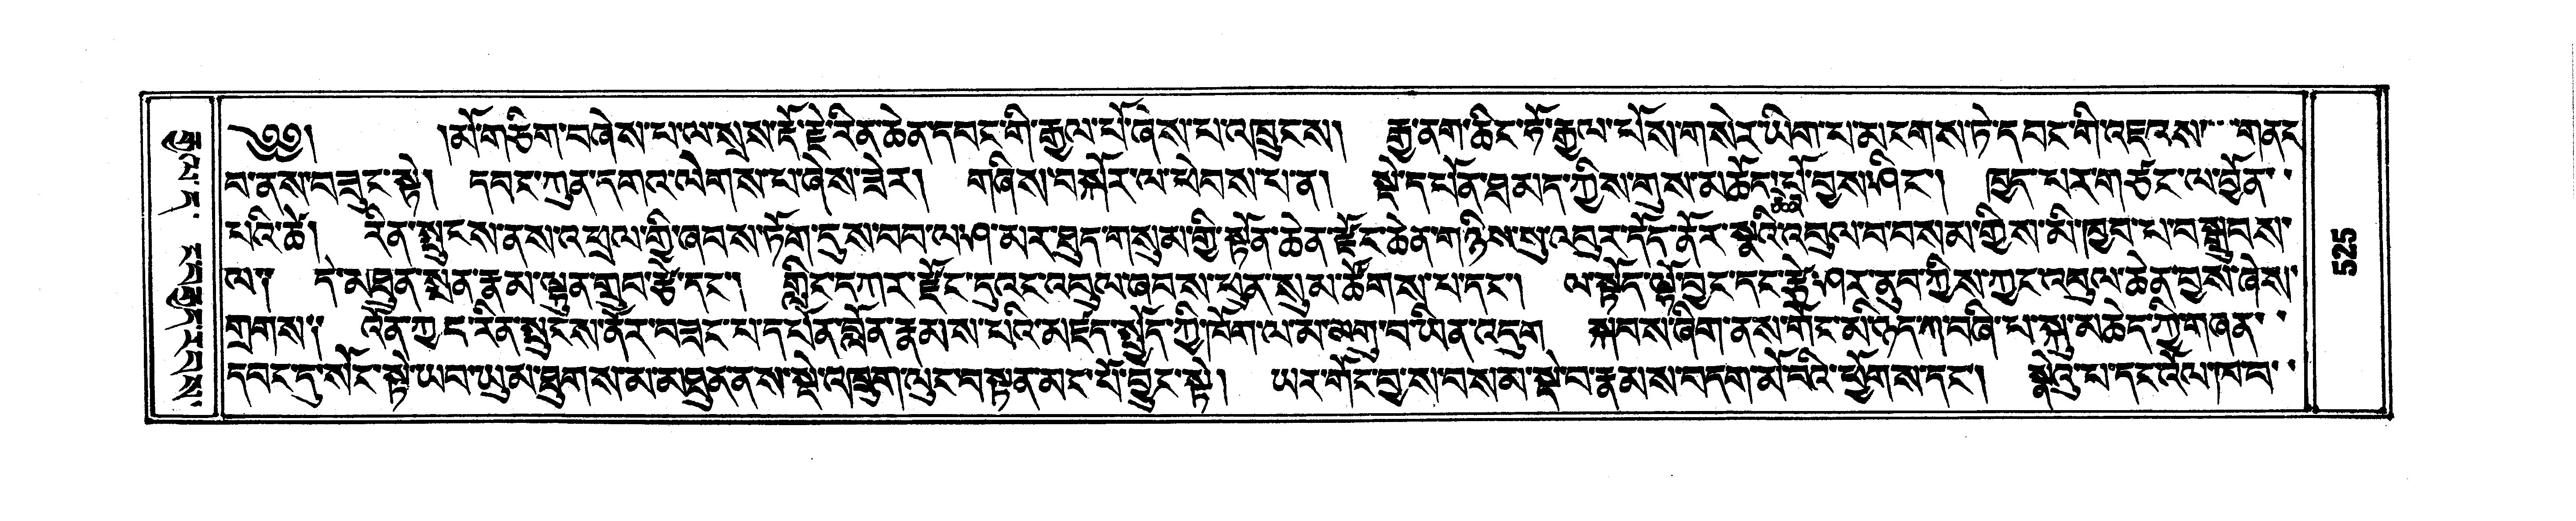༄༅། །མོ་གཅིག་བཞེས་པ་ལ་སྲས་རྡོ་རྗེ་རིན་ཆེན་དབང་གི་རྒྱལ་པོ་ཞེས་པ་འཁྲུངས། རྒྱ་ནག་ཅིང་ཧོ་རྒྱལ་པོས་གསེར་ཡིག་པ་མངགས་ཏེ་དབང་གི་འཇའྶ་གནང་
བ་ནས་བཟུང་སྟེ། དབང་ཀུན་དགའ་ལེགས་པ་ཞེས་ཟེར། གཞིས་བསྐོར་ལ་ཕེབས་པ་ན། སྡེ་དཔོན་ཐ་མད་ཀྱིས་གུས་མཆོད་ཆེན་པོ་བྱས་ཤིང་། ཁྱད་པར་གཙང་ལ་བྱོན་
པའི་ཚེ། རིན་སྤུངས་ནས་འཕྲལ་གྱི་ཞབས་ཏོག་དུས་བབ་ལ་ཤ་མར་ཐུད་གསུམ་གྱི་སྟོན་ཆེན་རྫོང་ཆེན་གཉིས་སུ་འབུར་དོད་ནོར་སྣའི་འབུལ་བ་བསམ་གྱིས་མི་ཁྱབ་པ་བསྒྲུབས་
ལ༑ དེ་མཐུན་སྤན་རྣམ་ལྷུན་གྲུབ་རྩེ་དང་། གླིང་དཀར་རྫོང་དུའང་འབུལ་ཞབས་ཕུན་སུམ་ཚོགས་པ་དང་། ལ་སྟོད་ལྷོ་བྱང་དང་རྩེ་ཤར་ནུབ་ཀྱིས་ཀྱང་འབུལ་ཆེན་བྱས་ཞེས་
གྲགས༑ འོན་ཀྱང་རིན་སྤུངས་ནོར་བཟང་པ་དཔོན་བློ་རྣམས་པའི་མཛད་སྤྱོད་ཀྱི་ཁོག་ལ་མ་མགུ་བ་ཡིན་འདུག་སྐབས་ཞིག་ནས་གོང་མ་ཉིད་ཀ་བཞི་པ་སྐུ་མཆེད་ཀྱི་གཞན་
དབང་དུ་སོང་སྟེ་ཡབ་ཡུམ་ཐུགས་མ་མཐུན་ནས་སྡེ་འཁྲུག་ལུང་བསྟན་མང་པོ་བྱུང་སྟེ། ཡར་གོང་བྱ་ས་བསམ་སྡེ་བ་རྣམས་བདག་མོ་བའི་ཕྱོགས་དང་། སྣེའུ་པ་དང་འོལ་ཁ་བ་